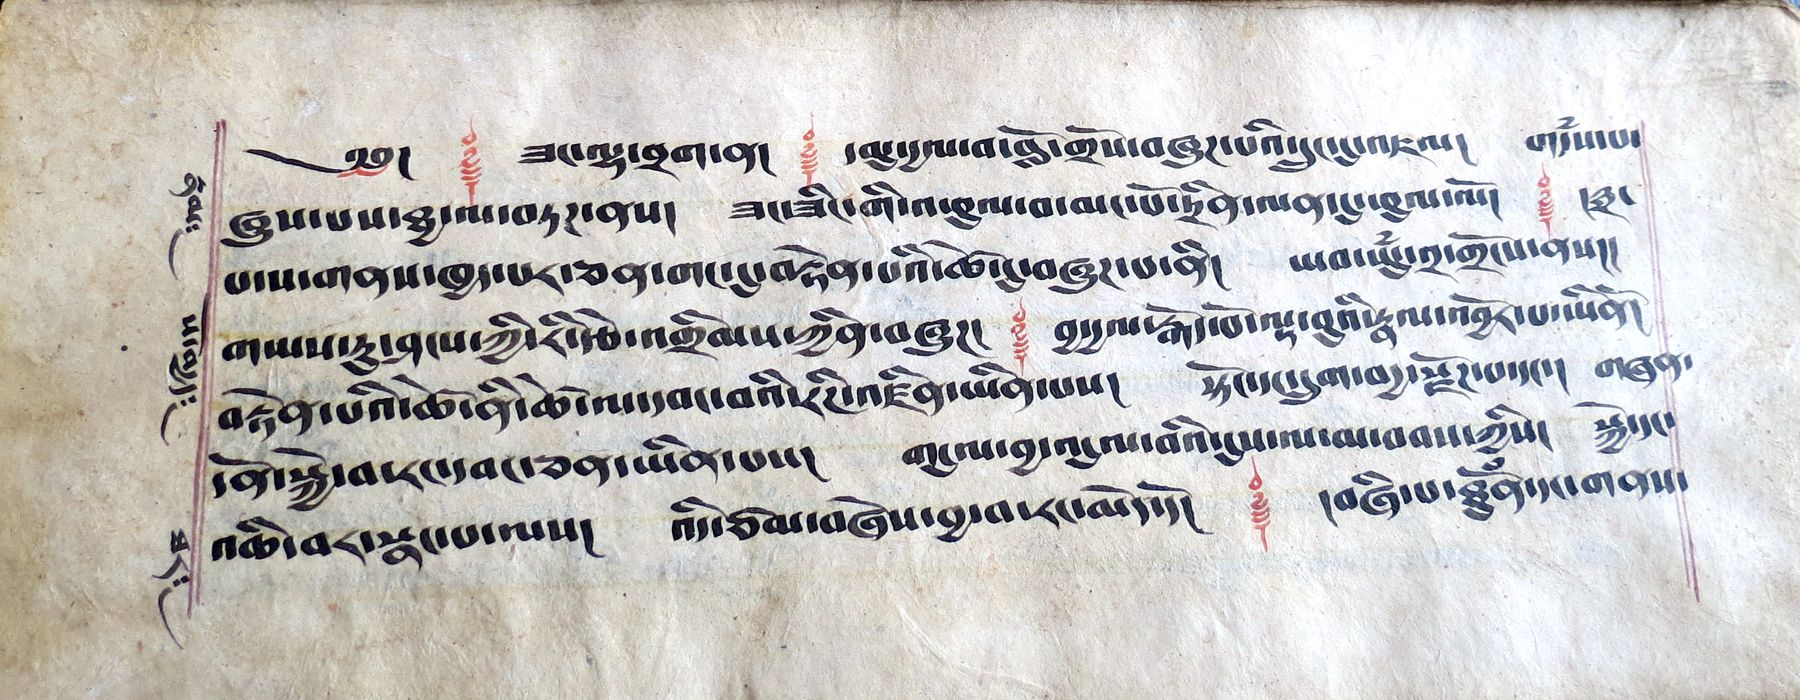ཟང་ལྷ་བྲག་ཏུ། དམུ་རྒྱལ་བ་བློ་གྲོས་བཞུགས་པའི་དྲུང་དུ་མཇལ། གདམས་པ་
ཞུས་པས་ཐུགས་ལ་བཏགས་ནས། ཟང་ཟིང་གི་འབུལ་བ་མང་པོ་དྲིན་ལན་དུ་ཕུལ་ལོ། ། གསུམ་
པ་ས་གནས་ཁྱད་པར་ཅན་གང་དུ་བརྟེན་པའི་ཚེ་དུ་བཞུགས་པ་ནི། ཡབ་ཡུམ་གཉིས་གྲོངས་ནས། 
གཡས་རུ་ཤངས་ཀྱི་རི་རྩེ་འགྲིམས་ཀྱིན་བཞུགས། བྱ་རྒྱལ་རྒོད་པོ་ལྟ་བུའི་རྣལ་འབྱོར་པ་ཡིན་ནོ། ། 
བརྟེན་པའི་ཚེ་ནི་ཚེ་ལ་དབང་བའི་རིག་འཛིན་ཡིན་པས། སྟོང་དང་དྲུག་བརྒྱ་རྫོགས་པ་དང་། གཞན་
དོན་སྐྱེ་བ་རང་དབང་ཅན་ཡིན་པས། གདུལ་བྱ་འདུལ་བའི་དུས་ལ་བབ་མ་བབ་ཀྱིས། སྐྱེ་དང་
འཆི་བར་སྣང་བ་ལས། འདི་ཙམ་པ་ཞེས་བྱ་བ་རང་མེད་དོ། ། བཞི་པ་ཐུན་མོང་དང་གནས་སྐབས་